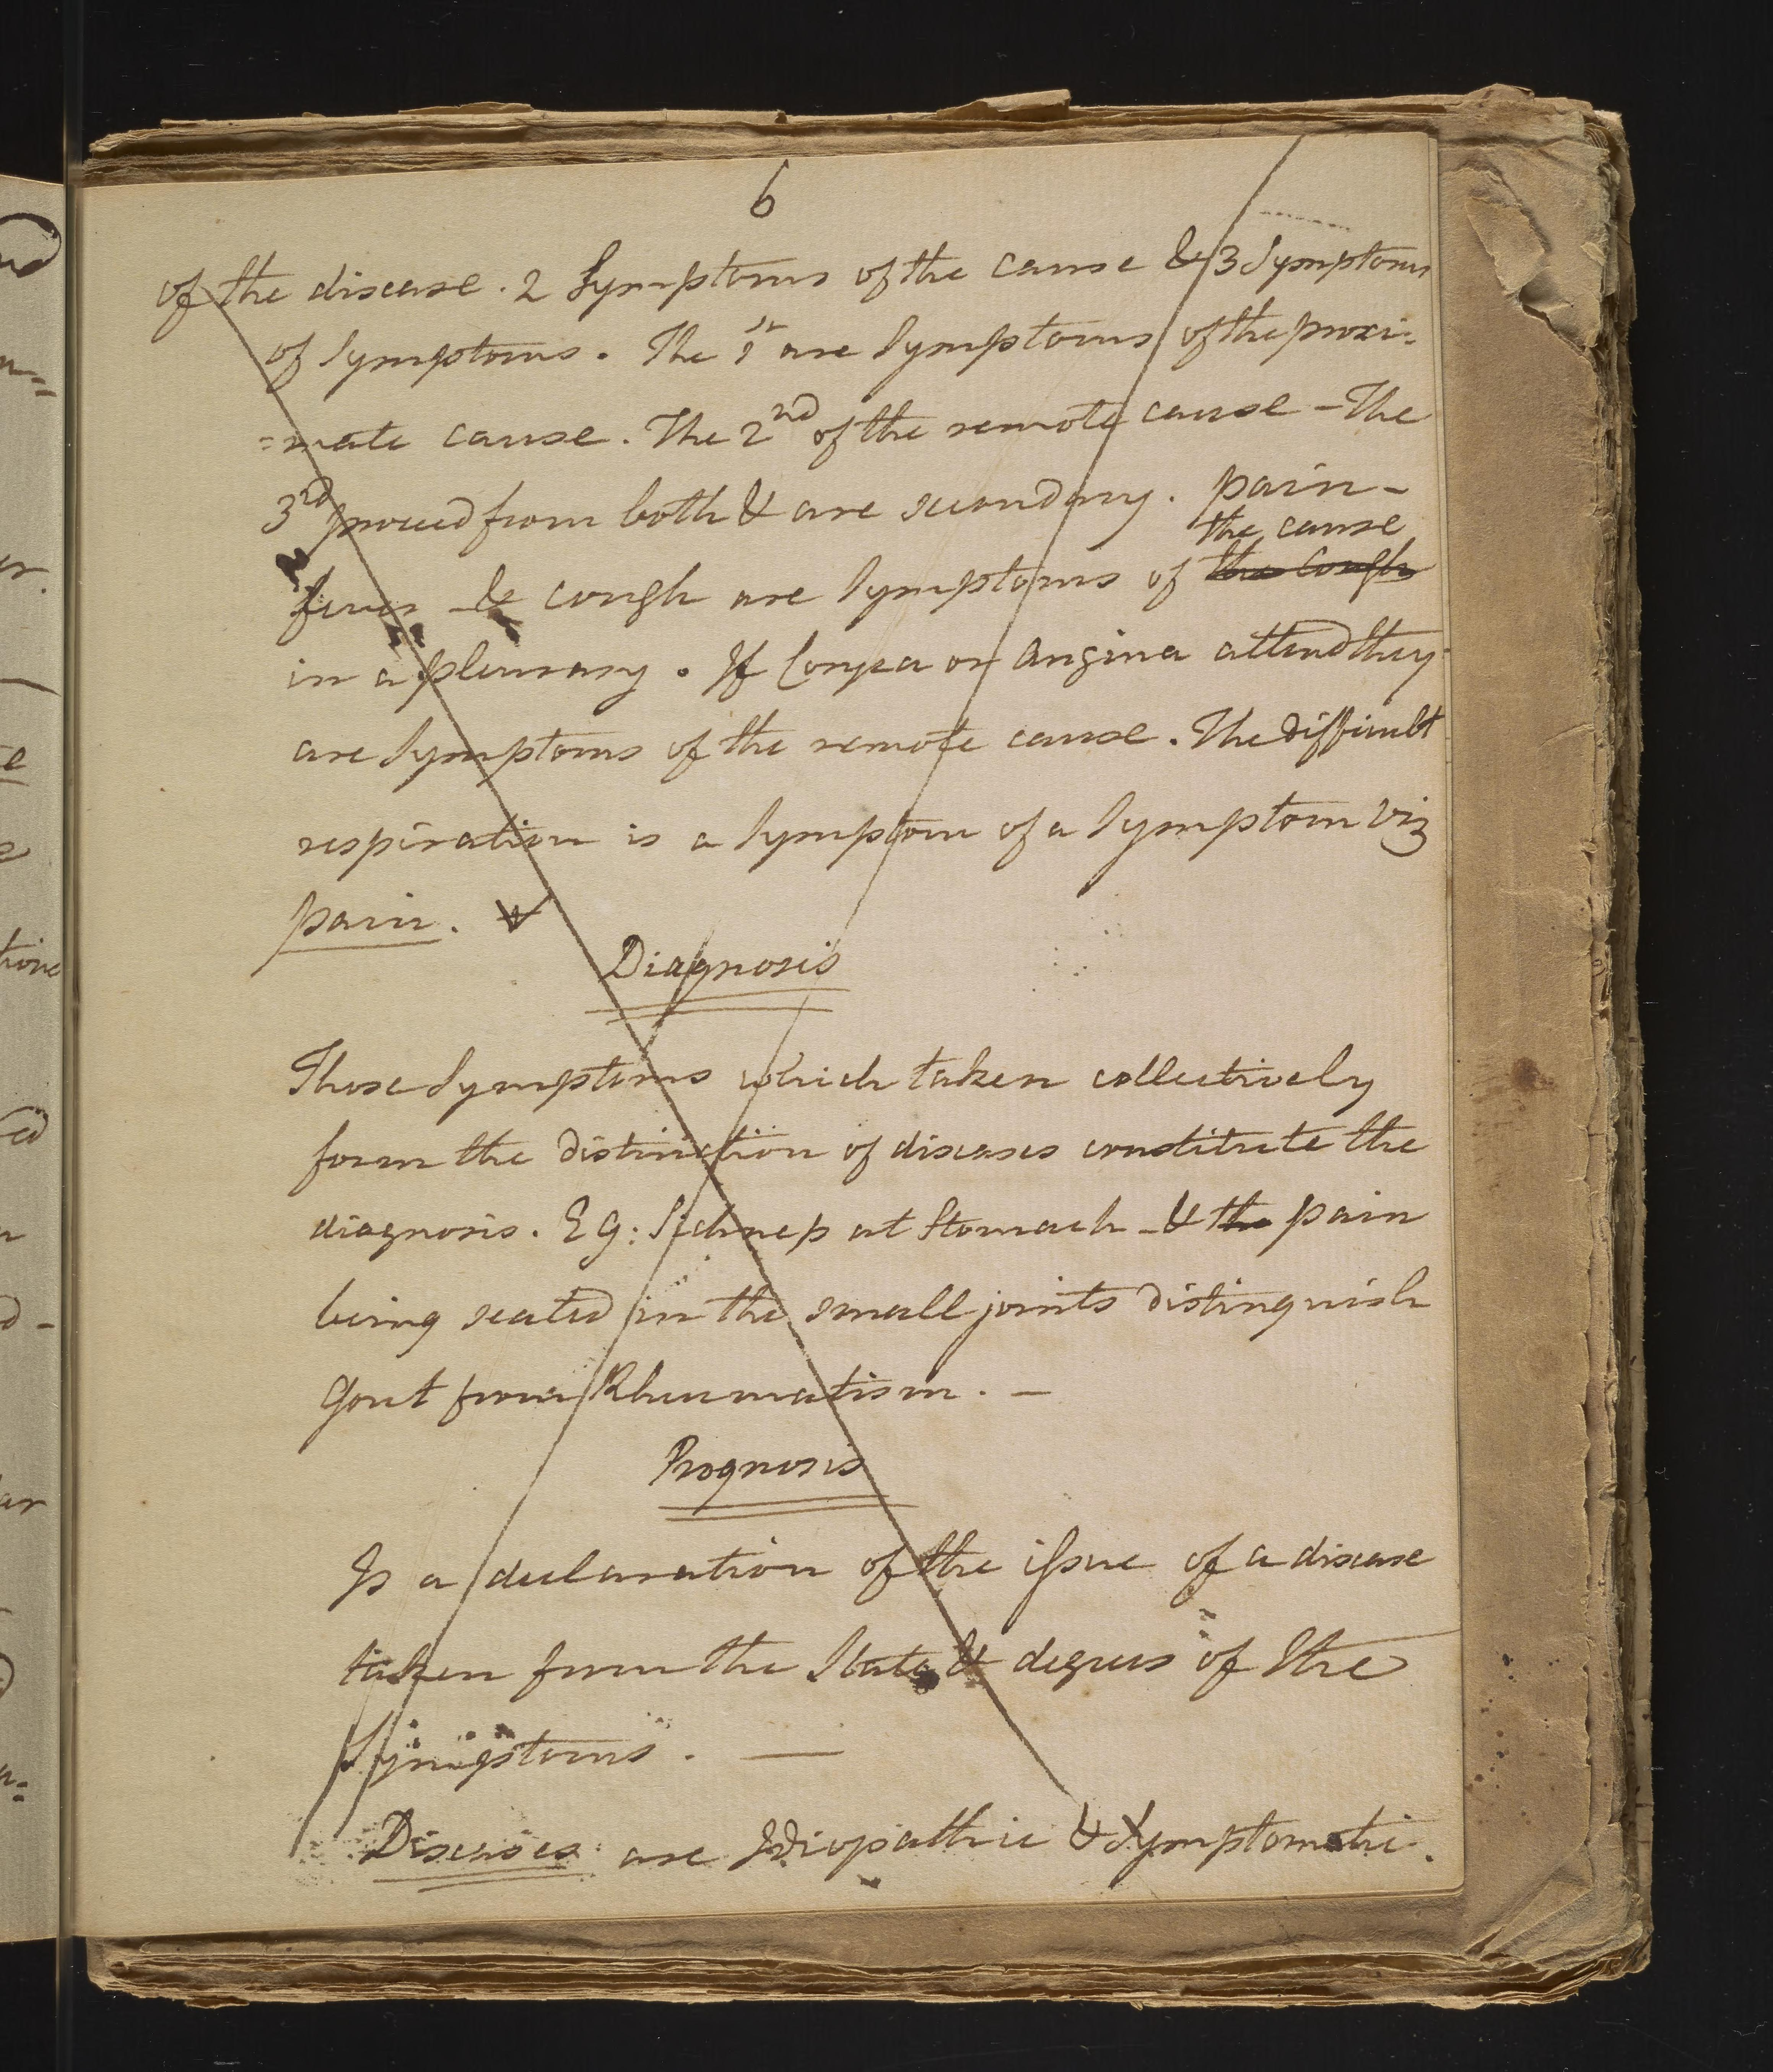6
of the disease. 2. Syptoms of the cause, & 3 Symptoms
of Symptoms. The 1^st are symptoms of the proxi-
-mate cause. The 2^nd of the remote cause. The
3^rd proceed from both & are secondary pain,
the cause
fever & cough are symptoms of [the Cough]
in a pleurisy. If Corysa or angina attend they
are symptoms of the remote cause. The difficult
respiration is a symptom of a symptom viz.
pain.
Diagnosis
These symptoms which taken collectively
form the distrination of diseases constitute the
diagnosis. E.g: sichnap at stomach, & the pain
being seated in the small joints distinguish
gout from rheumatism.
Prognosis
Is a declaration of the issue of a disease
taken from the state of degrees of the
symptoms.
Diseases are Idiopathic & symptomatic.